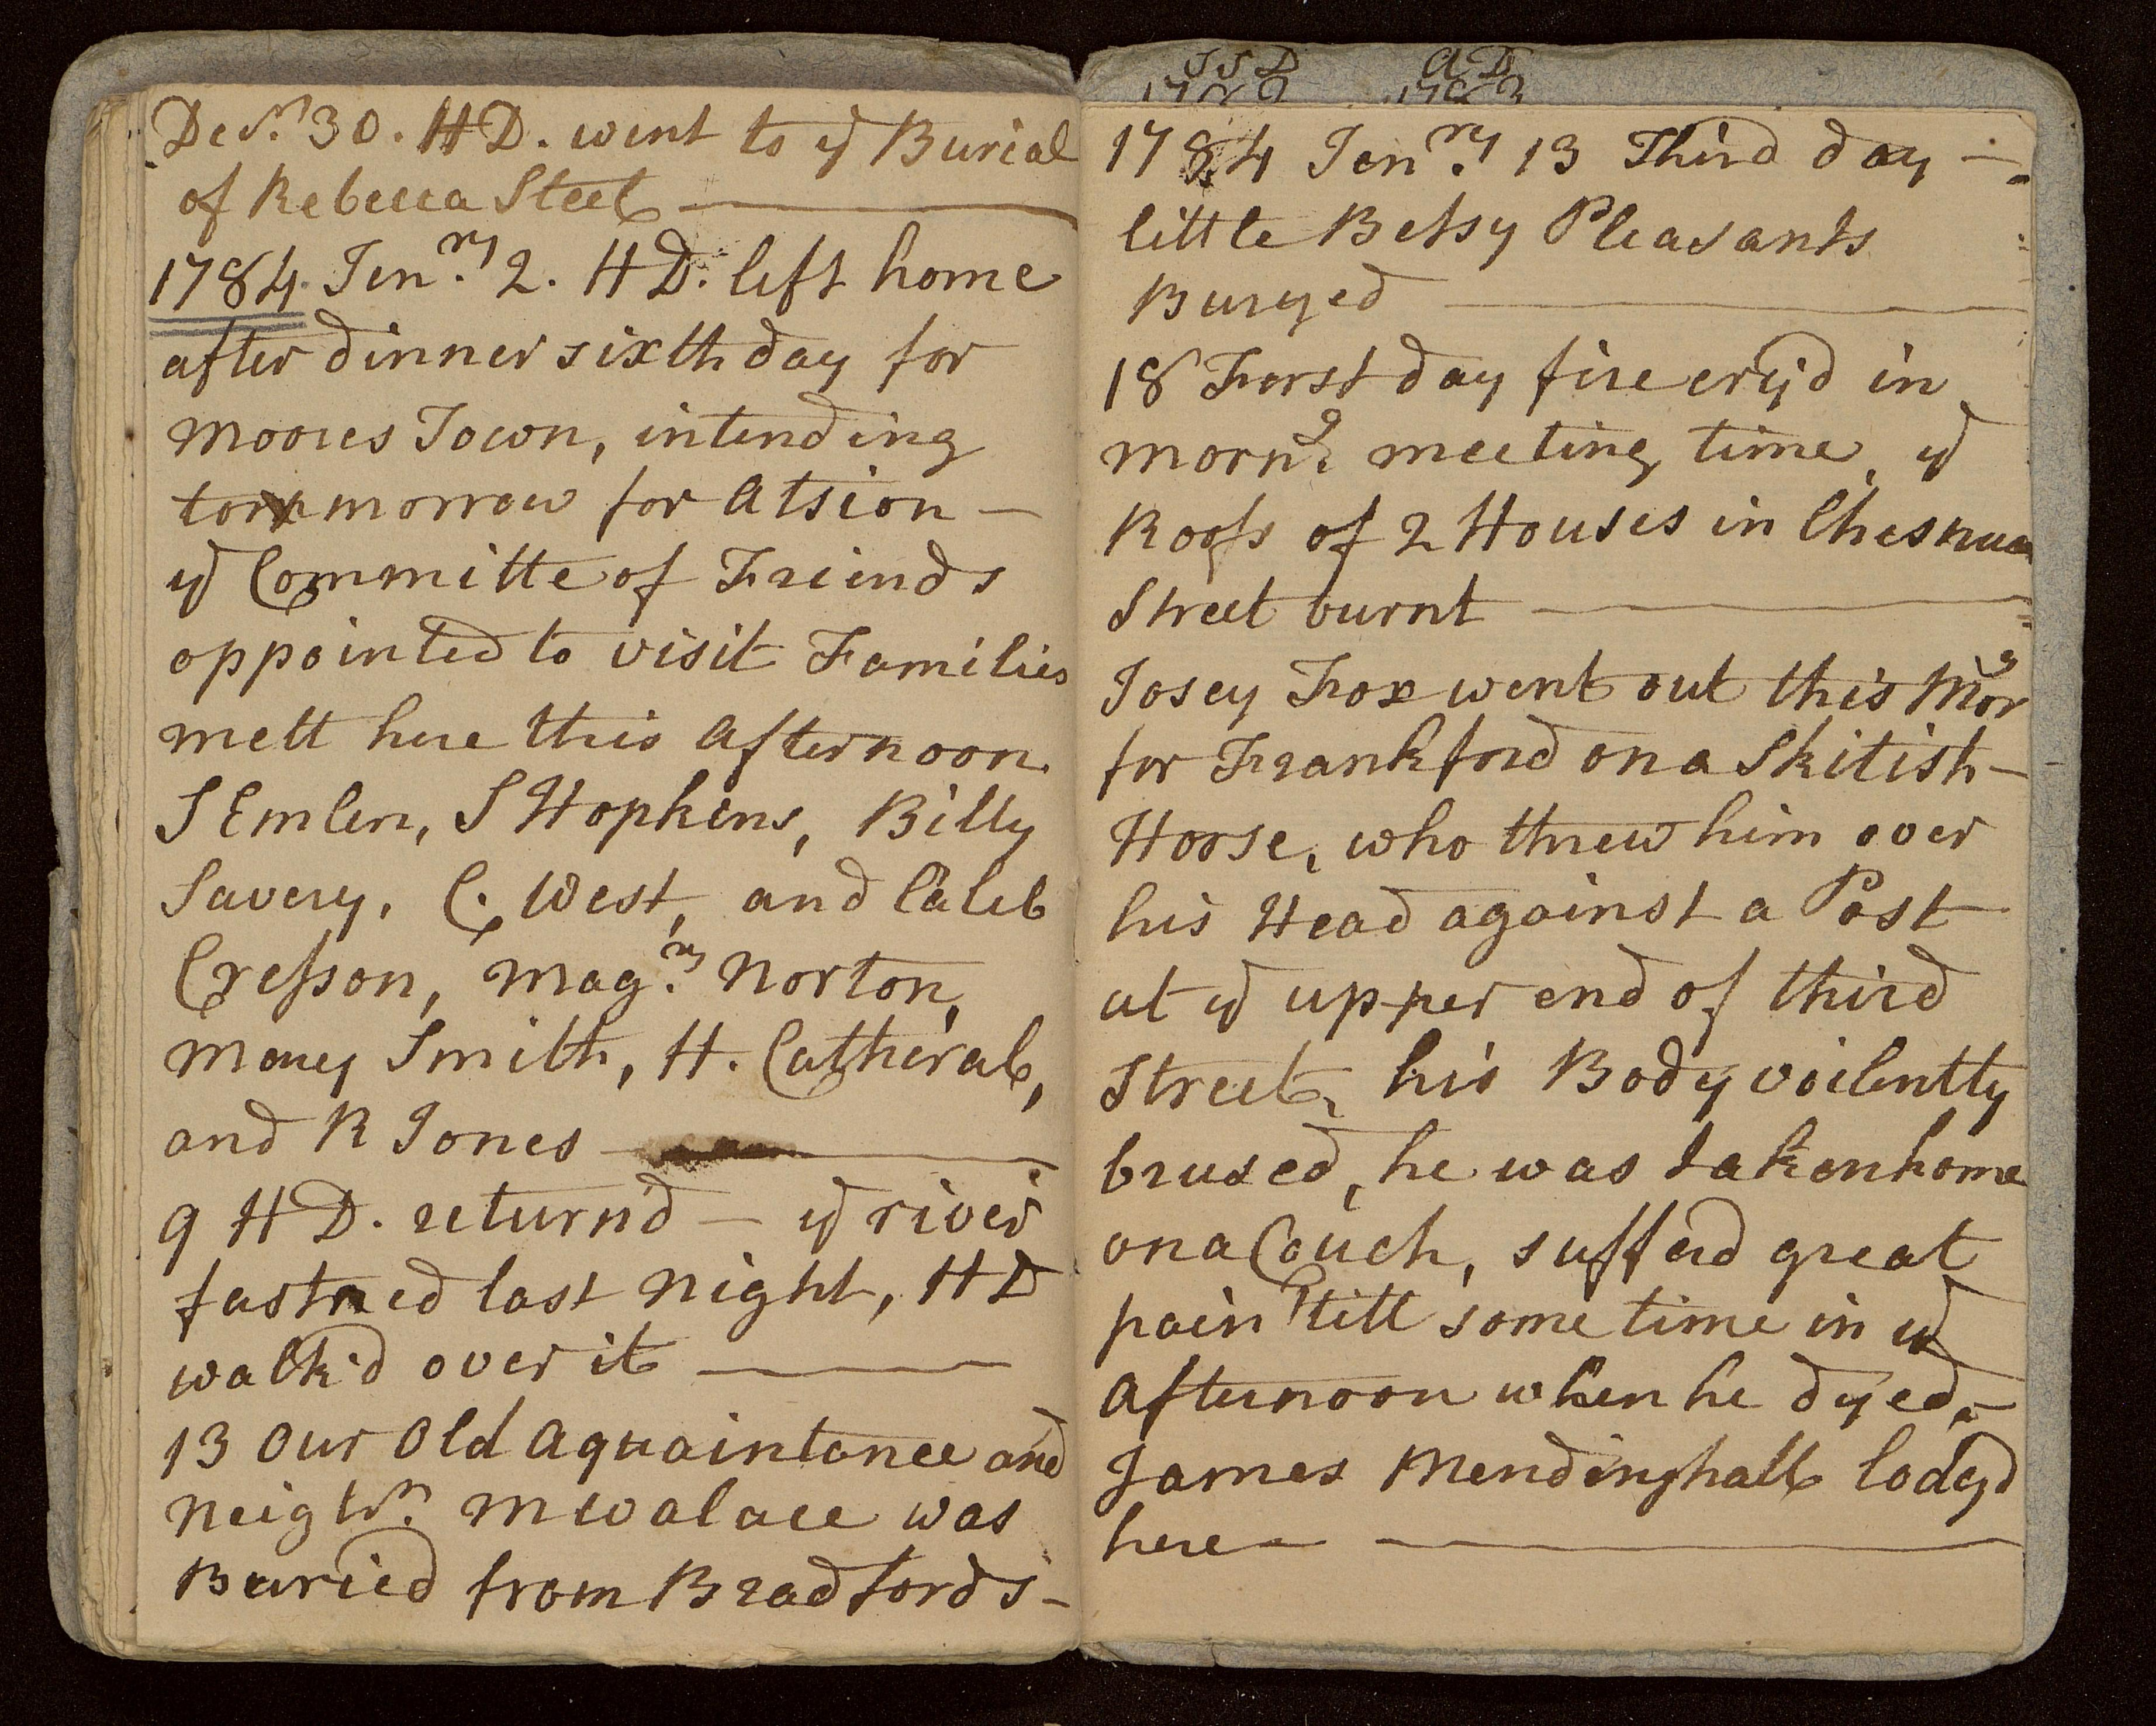Dec^r. 30. HD. went to y^e Burial
of Rebecca Steel-
1784 Jen^ry. 2 HD. left home
after dinner sixth day for
Moores Town, intending
tommorrow for Atsion-
y^e Committe of Friends
oppointed to visit Families
mett here this Afternoon.
S Emlen, S Hopkins, Billy
Savery, C. West and Caleb
Cresson, Mag^ry. Norton,
Mony Smith, H. Catheral,
and R Jones-
9 HD. return'd- y^e river
fastned last night, HD
walk'd over it-
13 our Old aquaintance and
Neigh^r. M Walace was
Buried from Bradfords-
1784 Jen^ry. 13 Third day-
little Betsy Pleasants
Buryed-
18 First day fire cry'd in
Morn^g. meeting time, y^e
Roofs of 2 Houses in Chesnut
Street burnt
Josey Fox went out this Mor^g
for Frankford on a Skitish-
Horse, who threw him over
his Head against a Post
at y^e upper end of third
Street, his Body voilently
brused, he was taken home
on a Couch, sufferd great
pain 'till some time in y^e
afternoon when he dyed.
James Mendinghall lodgd
here--